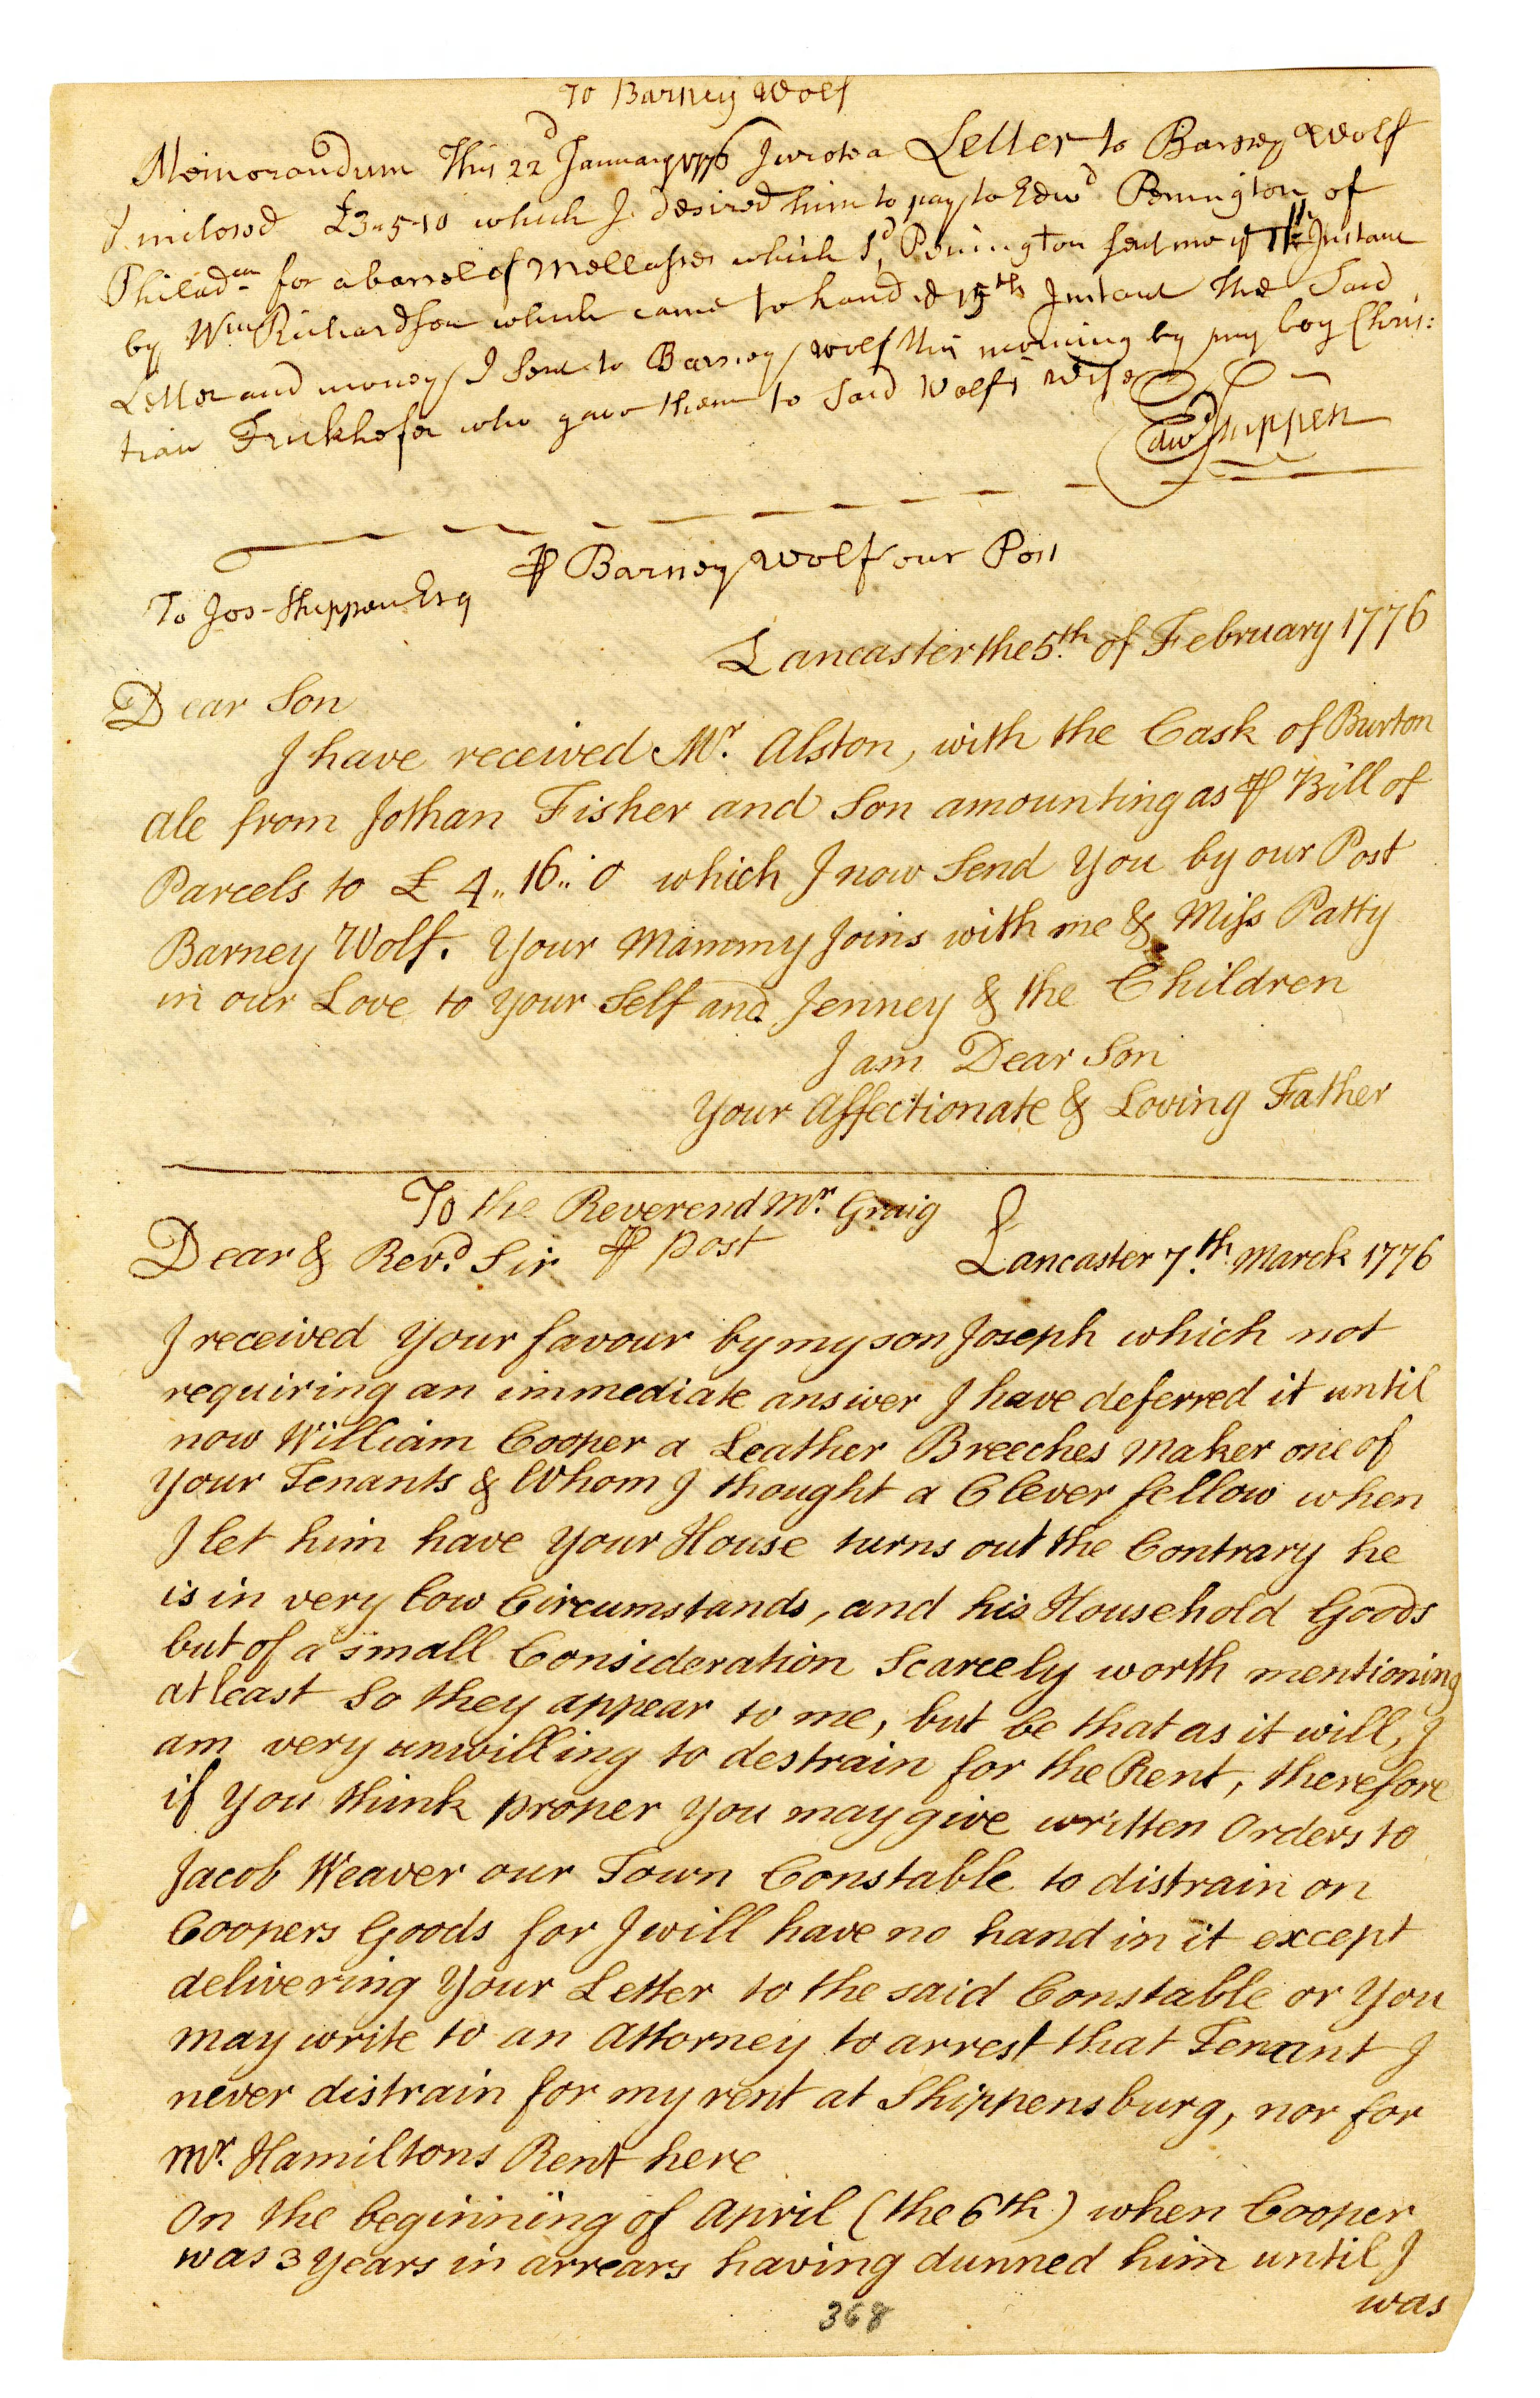To Barney Wolf
Memorandum This 22^d January 1776 I wrote a Letter to Barney Wolf
I inclosed £..5.10 which I desired him to pay to Edw^d Penington of
Philad^ia. for a barrel of Mollasses which S^d. Penington sent me y^e 11^th Instance
y W^m. Richardson which came to hand y^e 15^th Instance the Said
Letter and money I Sent to Barney Wolf this morning by my boy Chris:
tian Frinkhofer who gave them to Said Wolf's Wife
Edw^d Shippen
per Barney Wolf our Post
To Jos- Shippen Esq
Lancaster the 5^th. of February 1776
Dear Son
I have received M^r. Alston, with the Cask of Burton
Ale from Jothan Fisher and Son amounting as per Bill of
Parcels to £4..16..0 which I now Send You by our Post
Barney Wolf. Your Mammy Joins with me & Miss Patty
in our Love to Your Self and Jenney & the Children
I am Dear Son
Your Affectionate & Loving Father
To the Reverend M^r. Graig
per Post
Lancaster 7^th. March 1776
Dear & Rev^d. Sir
I received Your favour by my son Joseph which not
requiring an immediate answer I have deferred it until
now William Cooper a Leather Breeches maker one of
Your Tenants & Whom I thought a Clever fellow when
I let him have Your House turns out the Contrary he
is in very low Circumstands, and his Household Goods
but of a small Consideration Scarcely worth mentioning
at least So they appear to me, but be that as it will, I
am very unwilling to destrain for the Rent, therefore
if you think proper you may give written Orders to
Jacob Weaver our Town Constable to distrain on
Coopers Goods for I will have no hand in it except
delivering Your Letter to the said Constable or You
may write to an Attorney to arrest that Tenant I
never distrain for my rent at Shippensburg, nor for
M^r. Hamiltons Rent here
On the beginning of April (the 6^th) when Cooper
was 3 years in arrears having dunned him until I
was